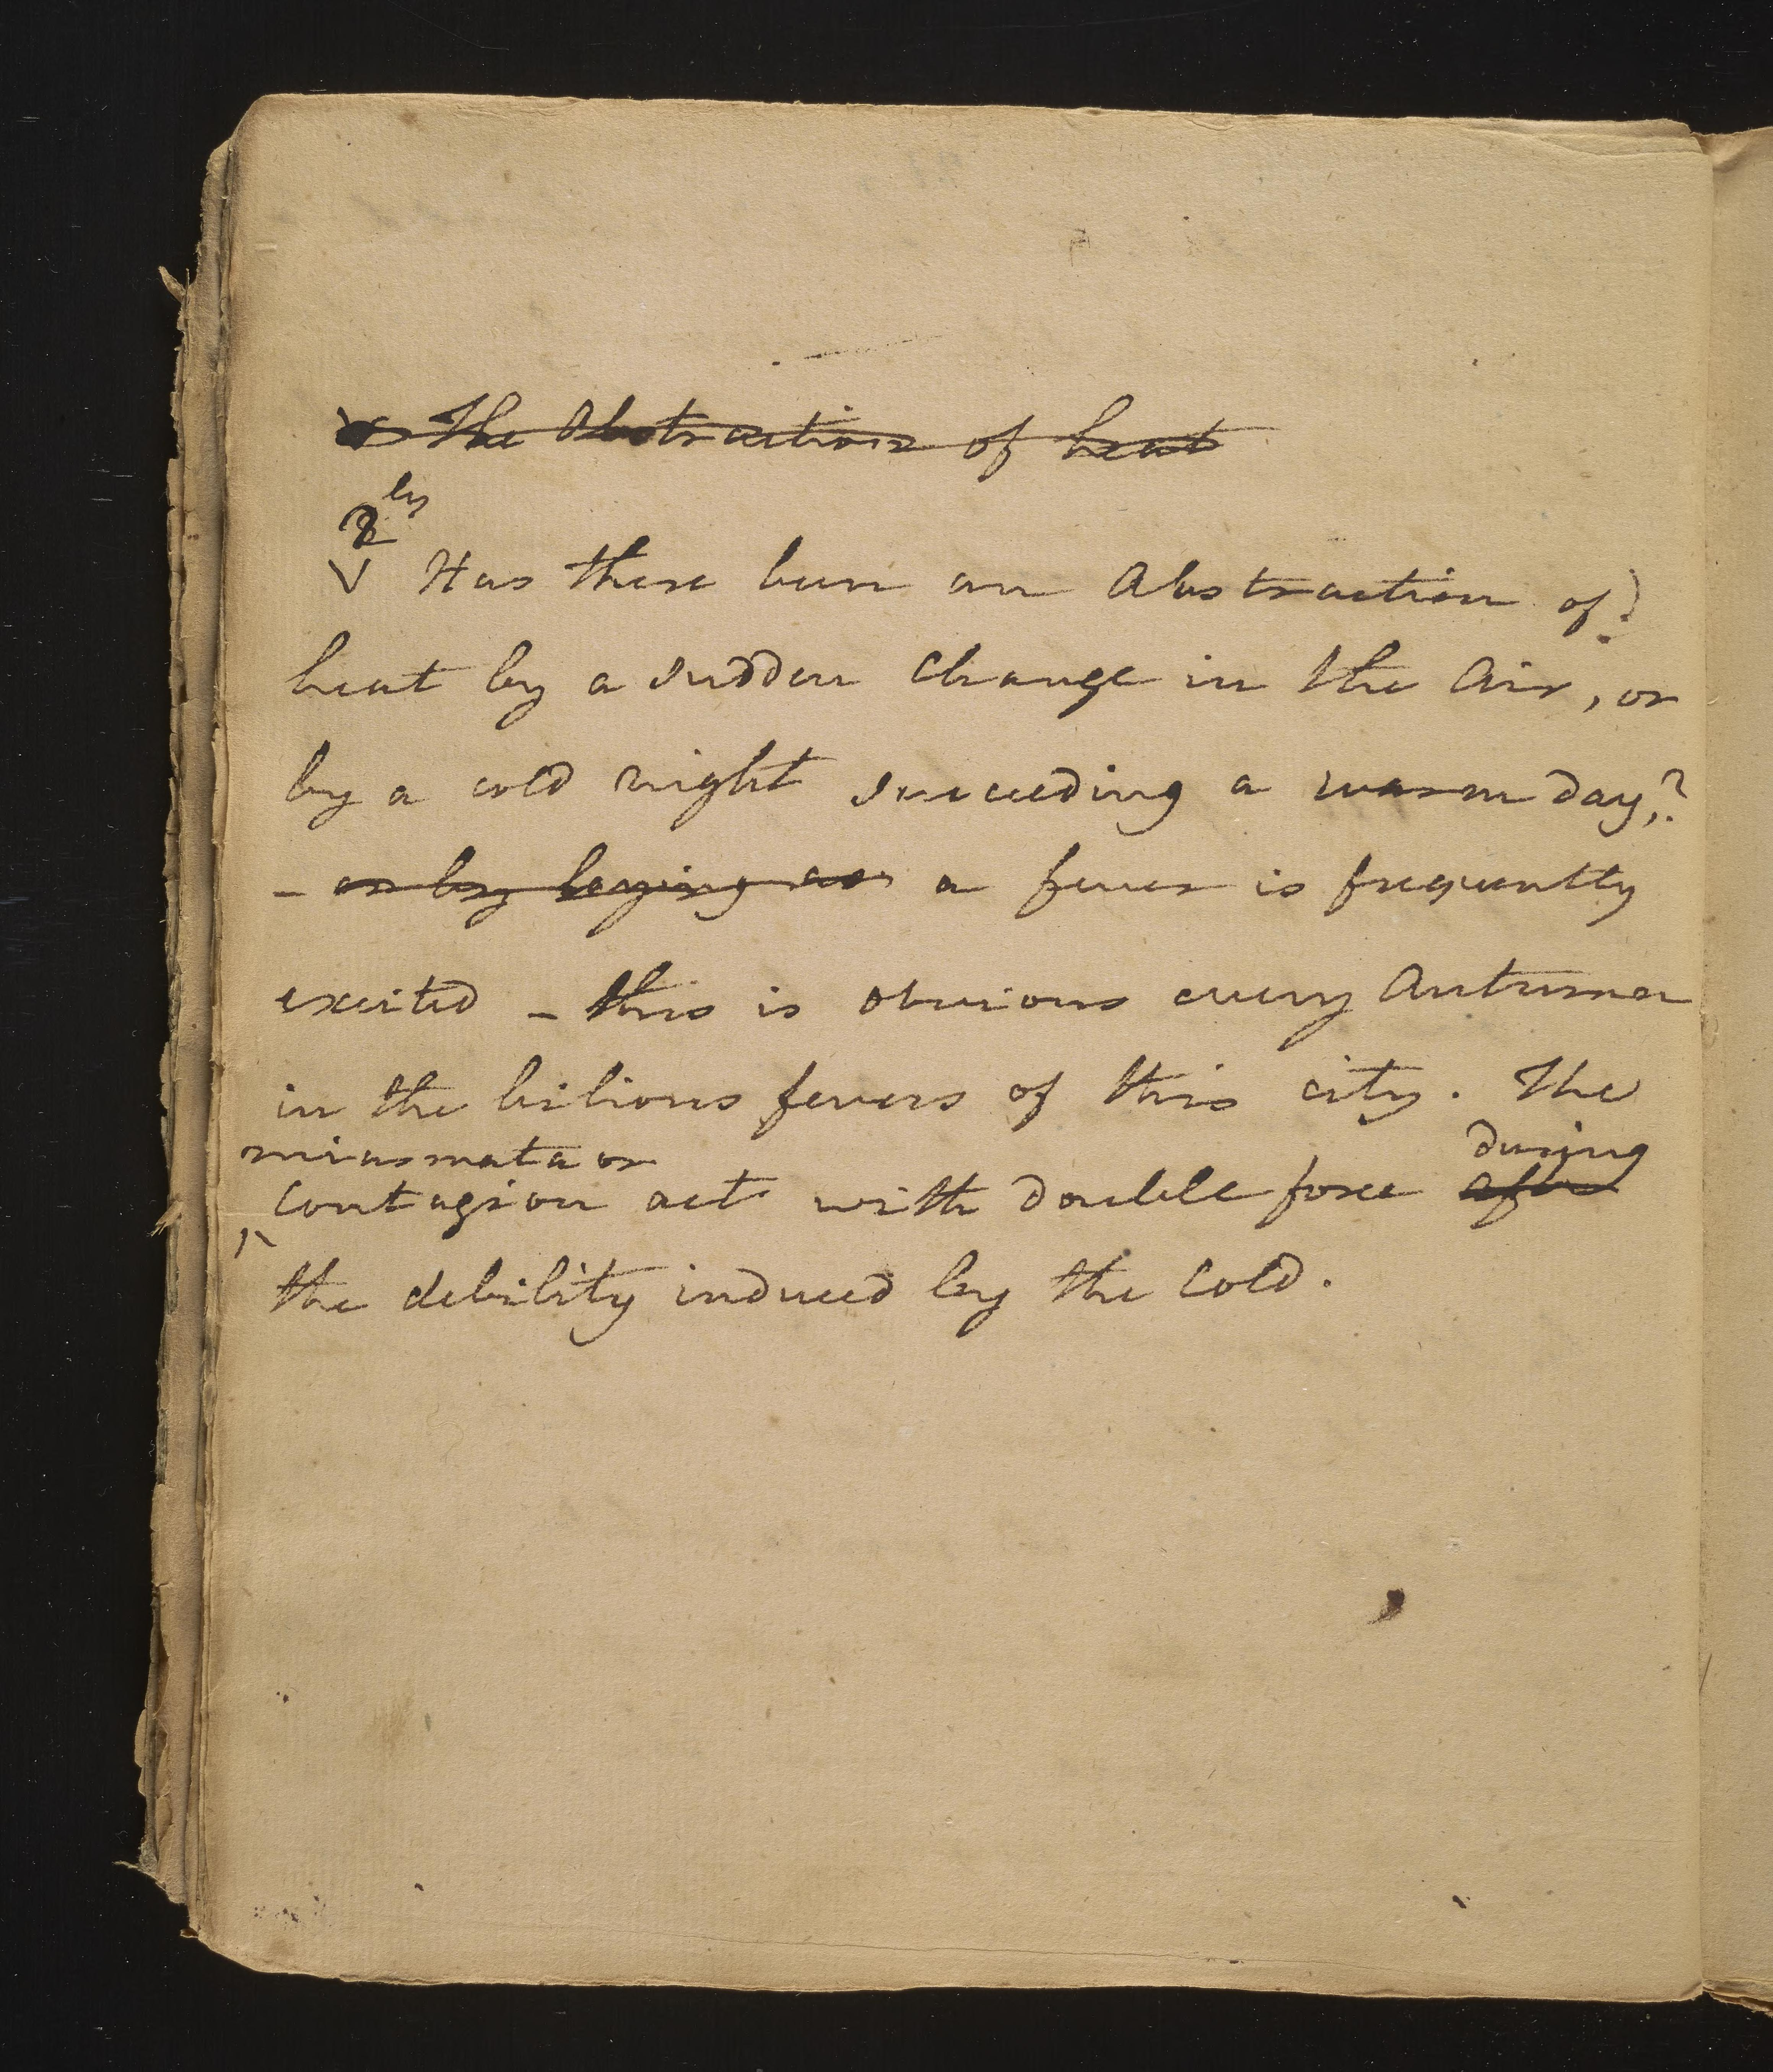[The abstractions of heat]
2^ly
V has there been an abstraction of
heat by a sudden change in the air, or
by a cold night succeeding a warm day?
- [as by laying as] a fever is frequently
excited- this is obvious every Autumn
in the bilious fevers of this city. The
miasmata or
during
^ contagion act with double force [after]
the debility induced by the cold